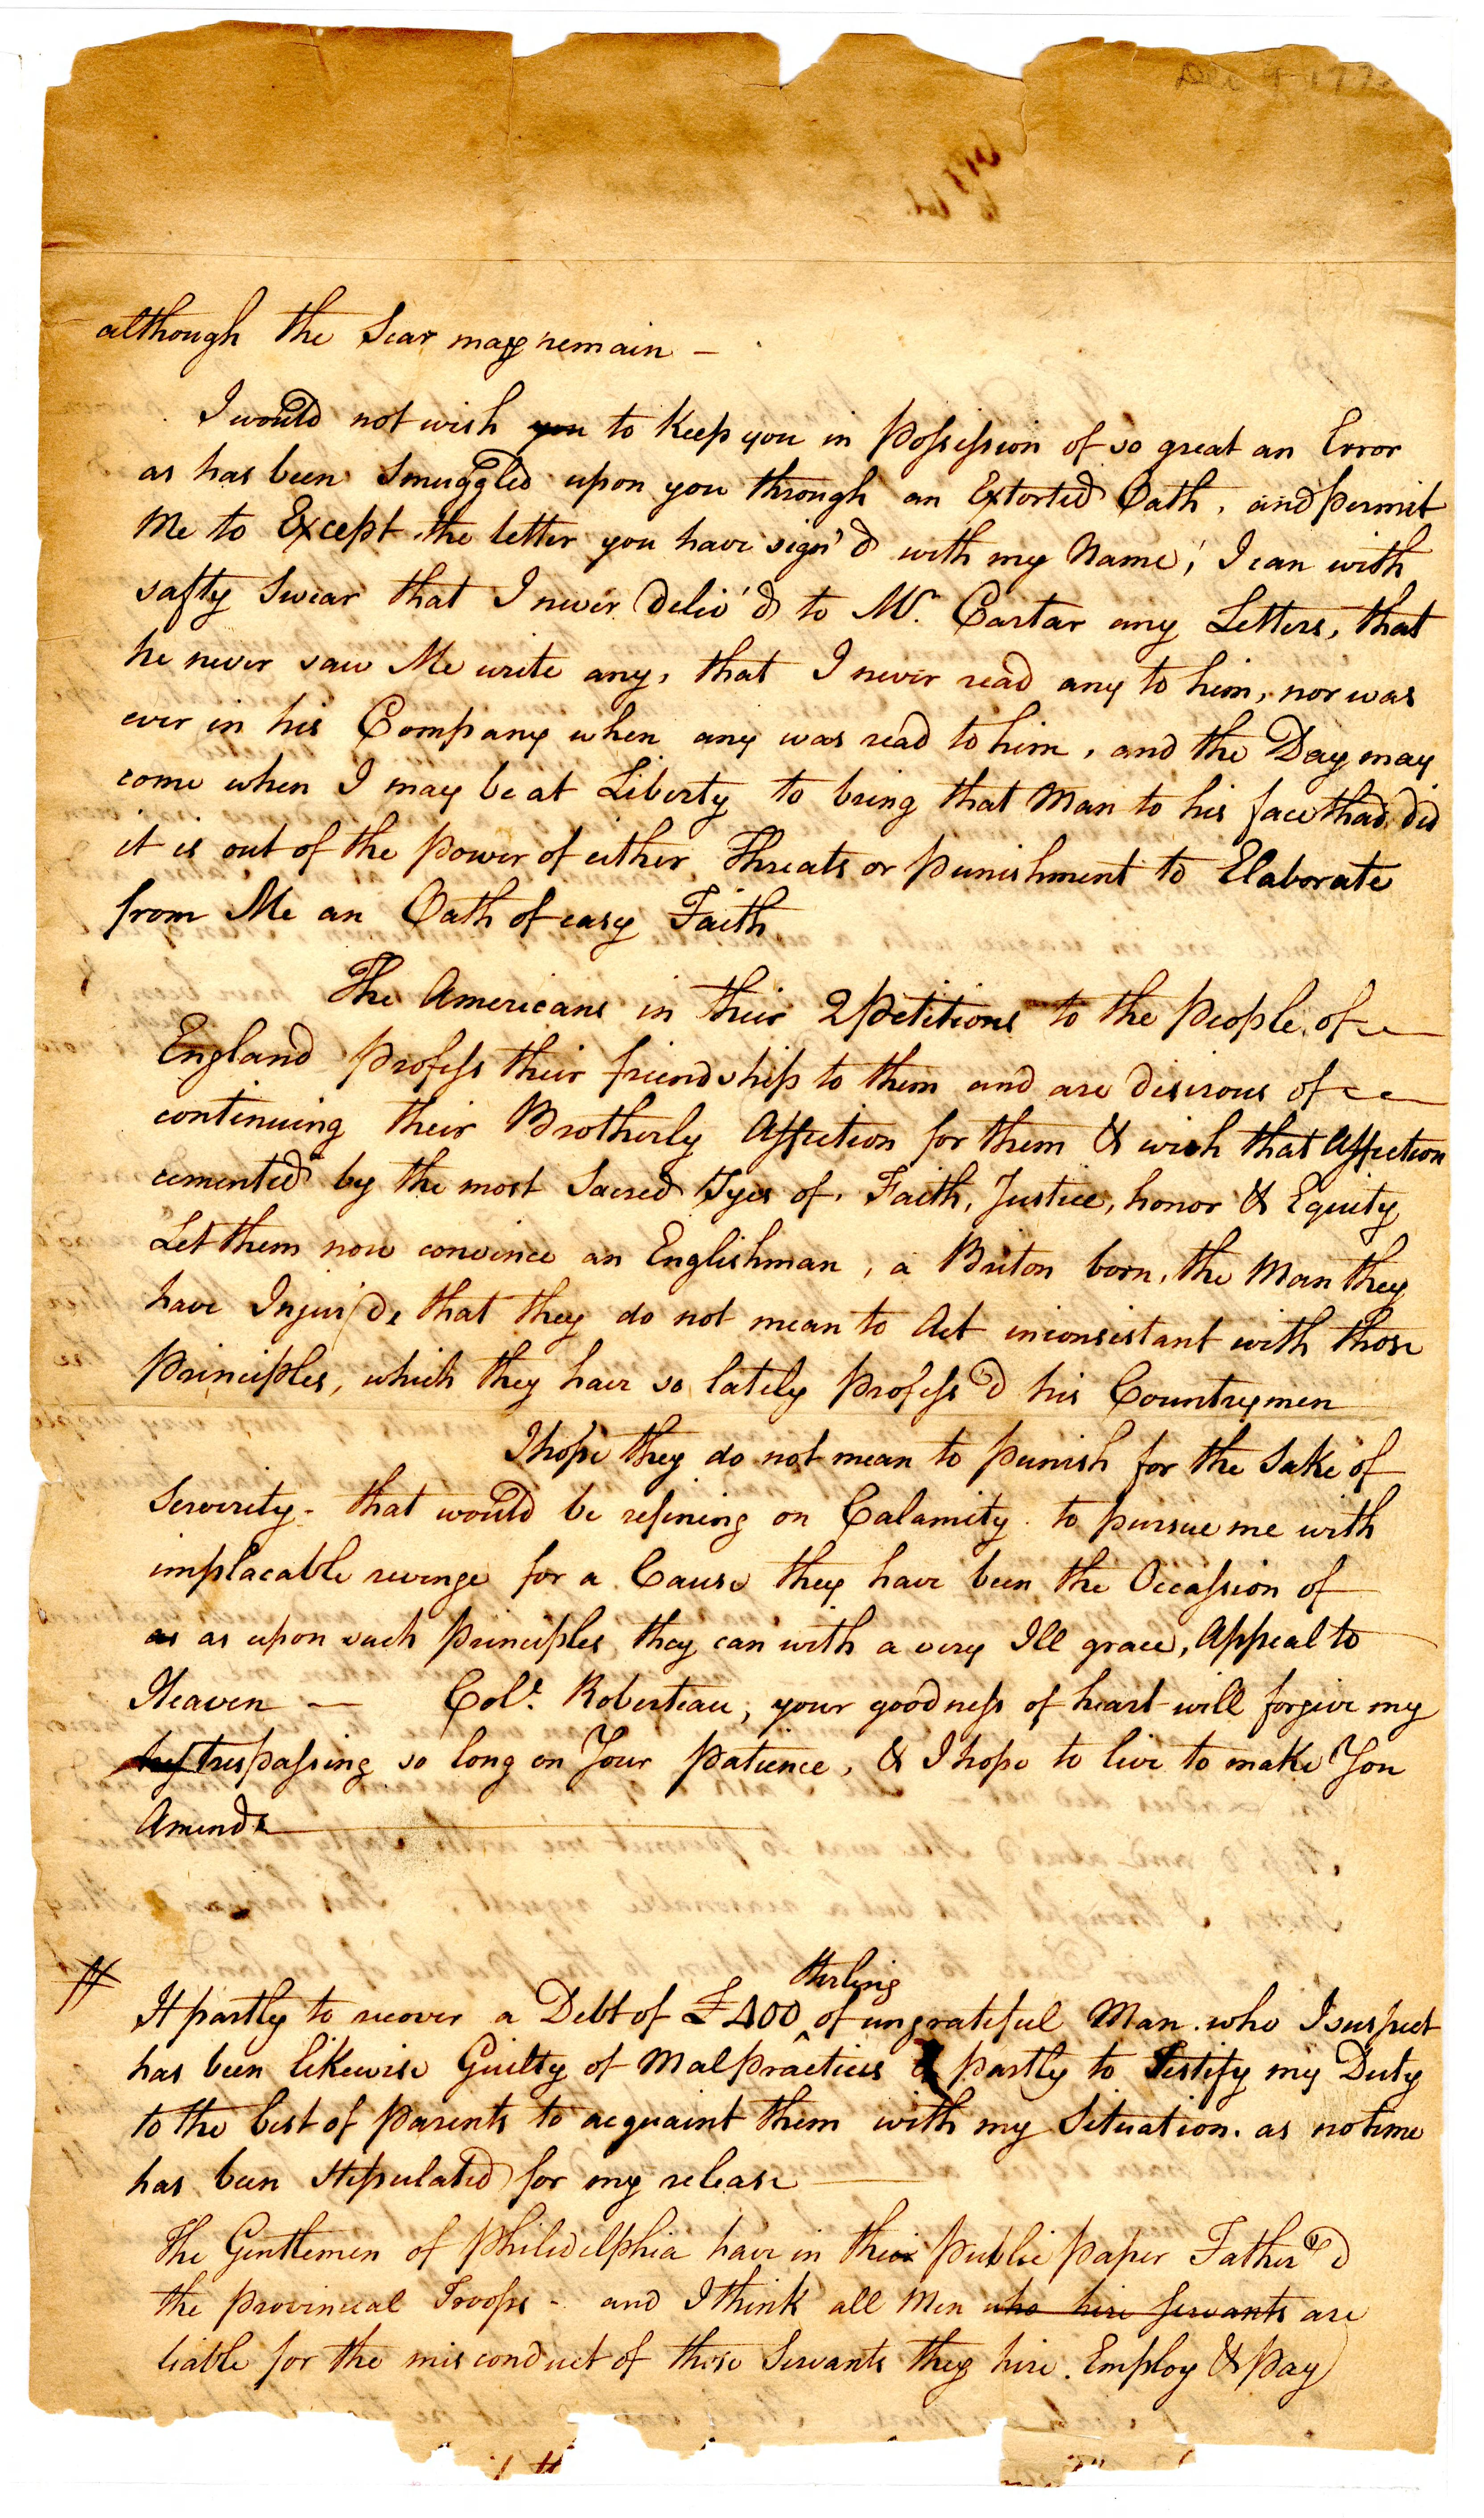although the Scar may remain.
I would not wish you to keep you in Possession of so great an Error
as has been Smuggled upon you though an Extorted Oath, and permit
Me to Except the letter you have sign'd with my Name; I can with
safty Swear that I never deliv d to M^r. Cartar any Letters, that
he never saw Me write any, that I never read any to him, nor was
ever in his Company when any was read to him, and the Day may
come when I may be at Liberty to being that Man to his face & had did
it is out of the power of either. Threats or punishment to Elaborate
from Me an Oath of easy Faith.
The Americans in their 2 Petitions to the people of
England profess their friendship to them and are desirous of
continuing their Brotherly Affection for them & wish that Affection
cemented by the most Sacred Tyes of Faith, Justice, honor & Equity
"Let them now convince an Englishman, a Briton born, the Man they
have Injur'd, that they do not mean to Act inconsistant with those
Principles, which they have so lately profess'd his Countrymen
hope they do not mean to punish for the Sake of
Serverity. that would be refining on Calamity. to pursue me with
implacable revenge for a Cause they have been the Occassion of
as as upon sack principles they can with a very Ill grace, Appeal to
Heaven. Col^o. Roberteau; your goodness of heart will forgive my
by trespassing so long on your patience, & I hope to live to make You
Amends
sterling
It partly to recover a Debt of £400 ^ of ungrateful Man. who I suspect
has been likewise Guilty of Malpractices & partly to Testify my Duty
to the best of parents to acquaint them with my Situation as no time
has been stipulated for my release
The Gentlemen of Philadelphia have in their public paper Father'd
the provincial Troops and I think all Men [who hire servants] are
liable for the misconduct of those servants they hire Employ & pay